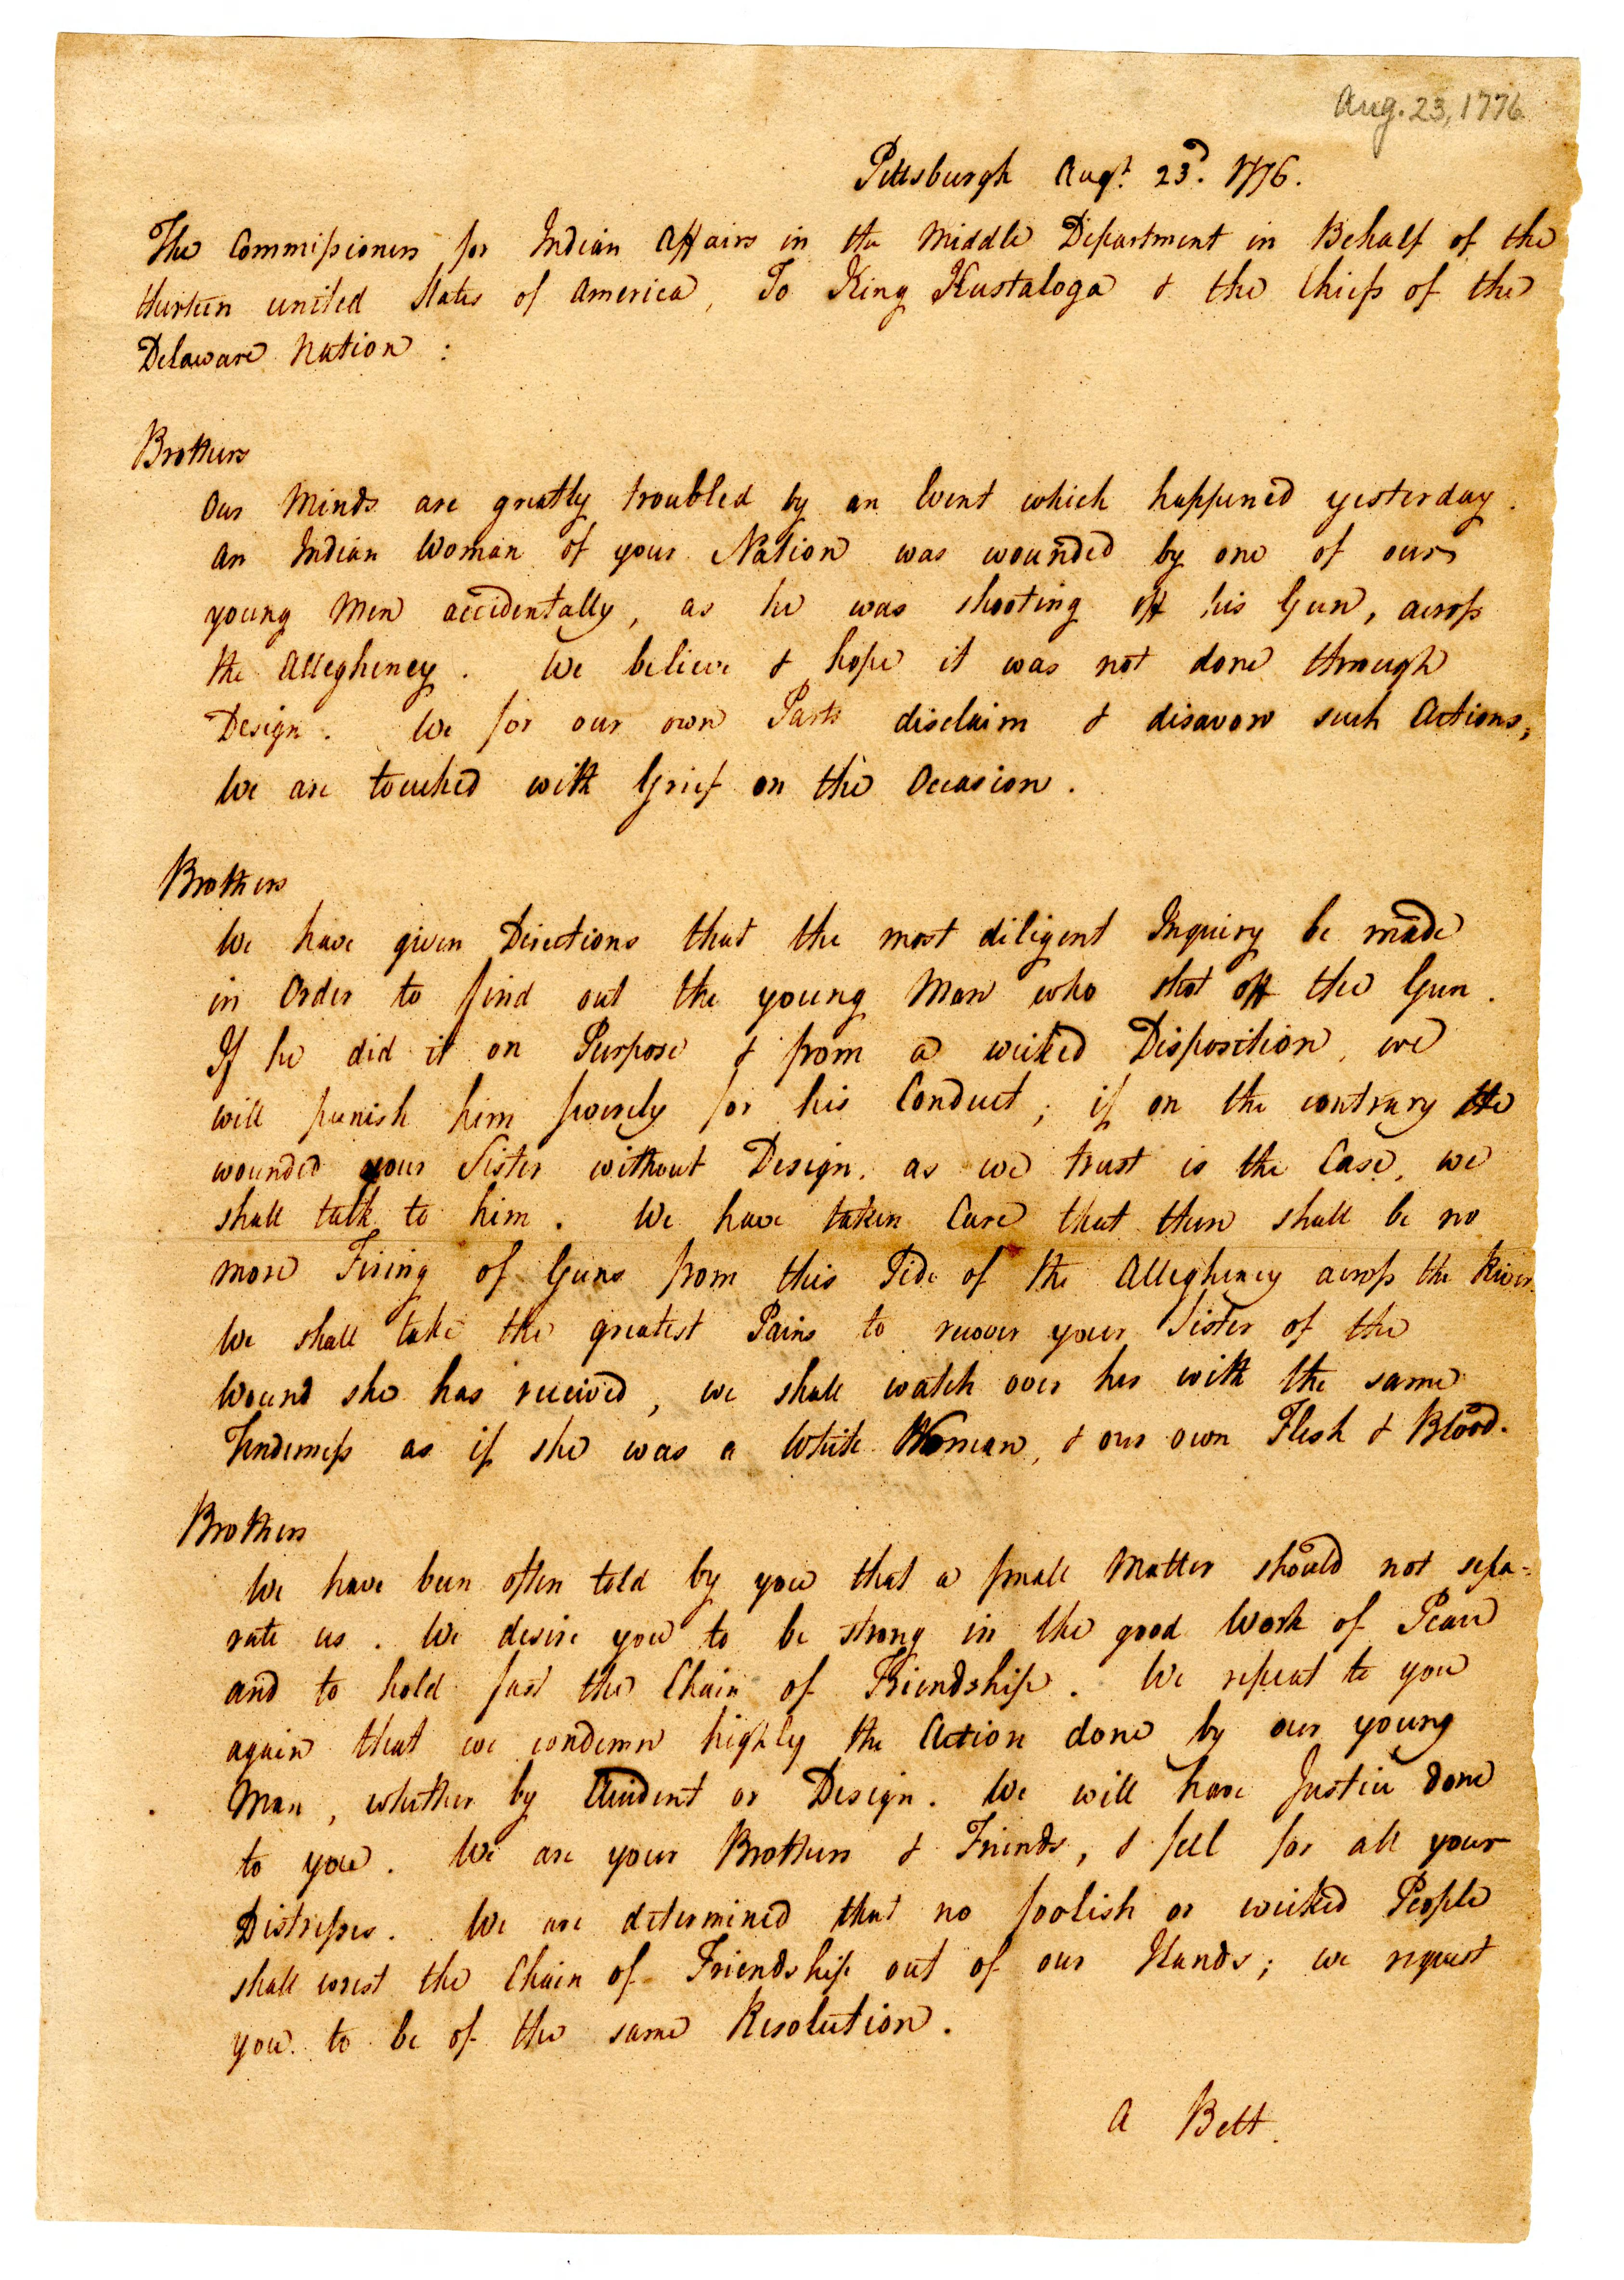Pittsburgh Aug^t. 23^d. 1776.
The Commissioners for Indian Affairs in the Middle Department in Behalf of the
thirteen united States of America, To King Kustaloga & the Chiefs of the
Delaware Nation:
Brothers
Our Minds are greatly troubled by an Event which happened yesterday.
An Indian Woman of your Nation was wounded by one of our
young men accidentally, as he was shooting off his Gun, across
the Allegheny. We believe & hope it was not done through
Design. We for our own Parts disclaim & disavow such Actions,
we are touched with Grief on the Occasion.
Brothers
We have given Directions that the most diligent Inquiry be made
in Order to find out the young Man who shot off the Gun.
If he did it on Purpose & from a wicked Disposition, we
will punish him severely for his Conduct; if on the contrary he
wounded your Sister without Design, as we trust is the case, we
shall talk to him. We have taken care that then shall be no
more Firing of Guns from this Side of the Allegheny across the River.
We shall take the greatest Pains to recover your Sister of the
wound she has received, we shall watch over her with the same
Tenderness as if she was a White Woman, & our own Flesh & Blood.
Brothers
We have been often told by you that a small Matter should not sepa-
rate us. We desire you to be strong in the good Work of Peace
and to hold fast the Chain of Friendship. We repeat to you
again that we condemn highly the Action done by our young
Man, whether by Accident or Design. We will have Justice done
to you. We are your Brothers & Friends, & feel for all your
Distress. We are determined that no foolish or wicked People
shall wrest the Chain of Friendships out of our Hands; we request
you to be of the same Resolution.
A Belt.